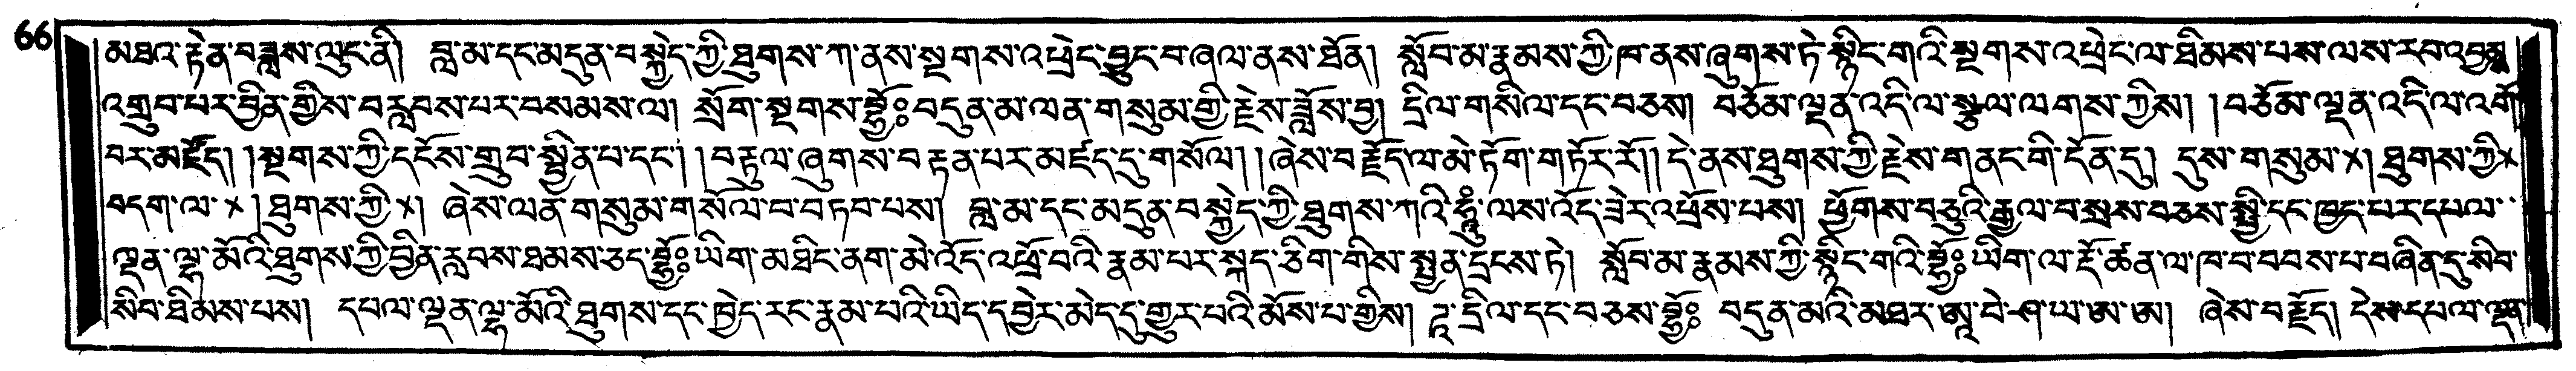མཐའ་རྟེན་བཟླས་ལུང་ནི། བླ་མ་དང་མདུན་བསྐྱེད་ཀྱི་ཐུགས་ཀ་ནས་སྔགས་འཕྲེང་བྱུང་བ་ཞལ་ནས་ཐོན། སློབ་མ་རྣམས་ཀྱི་ཁ་ནས་ཞུགས་ཏེ་སྙིང་གའི་སྔགས་འཕྲེང་ལ་ཐིམས་པས་ལས་རབ་འབྱམས་
འགྲུབ་པར་བྱིན་གྱིས་བརླབས་པར་བསམས་ལ། སྲོག་སྔགས་བྷྱོཿ བདུན་མ་ལན་གསུམ་གྱི་རྗེས་ཟློས་བྱ། དྲིལ་གསིལ་དང་བཅས། བཅོམ་ལྡན་འདི་ལ་སྩལ་ལགས་ཀྱིས། །བཅོམ་ལྡན་འདི་ལ་འགོ་
བར་མཛོད། །སྔགས་ཀྱི་དངོས་གྲུབ་སྦྱིན་པ་དང་། །བརྟུལ་ཞུགས་བརྟན་པར་མཛད་དུ་གསོལ། །ཞེས་བརྗོད་ལ་མེ་རྟོག་གཏོར་རོ། །དེ་ནས་ཐུགས་ཀྱི་རྗེས་གནང་གི་དོན་དུ། དུས་གསུམ་+། ཐུགས་ཀྱི།
བདག་ལ། ཐུགས་ཀྱི། ཞེས་ལན་གསུམ་གསོལ་བ་བཏབ་པས། བླ་མ་དང་མདུན་བསྐྱེད་ཀྱི་ཐུགས་ཀའི་ཧཱུཾ་ལས་འོད་ཟེར་འཕྲོས་པས། ཕྱོགས་བཅུའི་རྒྱལ་བ་སྲས་བཅས་སྤྱི་དང་ཁྱད་པར་དཔལ་
ལྡན་ལྷ་མོའི་ཐུགས་ཀྱི་བྱིན་རླབས་ཐམས་ཅད་བྷྱོཿ ཡིག་མཐིང་ནག་མེ་འོད་འཕྲོ་བའི་རྣམ་པར་སྐད་ཅིག་གིས་སྤྱན་དྲངས་ཏེ། སློབ་མ་རྣམས་ཀྱི་སྙིང་གའི་བྷྱོཿ ཡིག་ལ་རྡོ་ཚན་ལ་ཁ་བ་བབས་པ་བཞིན་དུ་སིབ་
སིབ་ཐིམས་པས། དཔལ་ལྡན་ལྷ་མོའི་ཐུགས་དང་ཁྱེད་རང་རྣམ་པའི་ཡིད་དབྱེར་མེད་དུ་གྱུར་པའི་མོས་པ་གྱིས། ཌཱ་དྲིལ་དང་བཅས་བྷྱོཿ བདུན་མའི་མཐར་ཨཱ་བེ་ཤ་ཡ་ཨ་ཨ། ཞེས་བརྗོད། དེས་དཔལ་ལྡན་